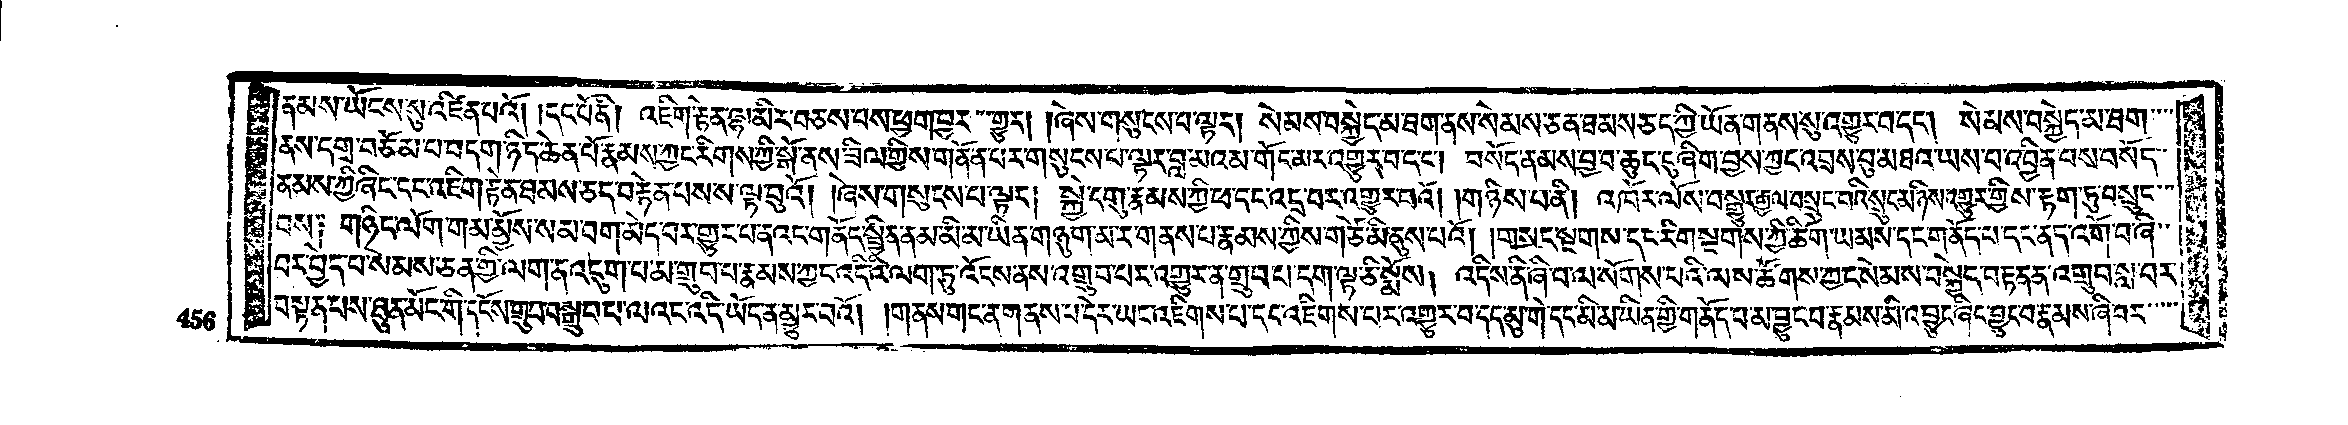ནམས་ཡོངས་སུ་འཛིན་པའོ། །དང་པོ་ནི། འཇིག་རྟེན་ལྷ་མིར་བཅས་པས་ཕྱག་བྱར་འགྱུར། །ཞེས་གསུངས་པ་ལྟར། སེམས་བསྐྱེད་མ་ཐག་ནས་སེམས་ཅན་ཐམས་ཅད་ཀྱི་ཡོན་གནས་སུ་འགྱུར་བ་དང་། སེམས་བསྐྱེད་མ་ཐག་
ནས་དགྲ་བཅོམ་པ་བདག་ཉིད་ཆེན་པོ་རྣམས་ཀྱང་རིགས་ཀྱི་སྒོ་ནས་ཟིལ་གྱིས་གནོན་པར་གསུངས་པ་ལྟར་བླ་མའམ་གོང་མར་འགྱུར་བ་དང་། བསོད་ནམས་བྱ་བ་ཆུང་ངུ་ཞིག་བྱས་ཀྱང་འབྲས་བུ་མཐའ་ཡས་པ་འབྱིན་པས་བསོད་
ནམས་ཀྱི་ཞིང་དང་འཇིག་རྟེན་ཐམས་ཅད་བརྟེན་པས་ས་ལྟ་བུའོ། །ཞེས་གསུངས་པ་ལྟར། སྐྱེ་དགུ་རྣམས་ཀྱི་ཕ་དང་འདྲ་བར་འགྱུར་བའོ། །གཉིས་པ་ནི། འཁོར་ལོས་བསྒྱུར་རྒྱལ་བསྲུང་བའི་སྲུང་མ་ཉིས་འགྱུར་གྱིས་རྟག་ཏུ་བསྲུང་
བས༑ གཉིད་ལོག་གམ་མྱོས་སམ་བག་མེད་པར་གྱུར་པ་ནའང་གནོད་སྦྱིན་ནམ་མི་མ་ཡིན་གཉུག་མར་གནས་པ་རྣམས་ཀྱིས་གཙེ་མི་ནུས་པའོ། །གསང་སྔགས་དང་རིག་སྔགས་ཀྱི་ཚིག །ཡམས་དང་གནོད་པ་དང་ནད་འགོ་བ་ཞི་
བར་བྱེད་པ་སེམས་ཅན་གྱི་ལག་ན་འདུག་པ་མ་གྲུབ་པ་རྣམས་ཀྱང་འདིའི་ལག་ཏུ་འོངས་ནས་འགྲུབ་པར་འགྱུར་ན་གྲུབ་པ་དག་ལྟ་ཅི་སྨོས། འདིས་ནི་ཞི་བ་ལ་སོགས་པའི་ལས་ཚོགས་ཀྱང་སེམས་བསྐྱེད་བརྟན་ན་འགྲུབ་སླ་བར་
བསྟན་པས་ཐུན་མོང་གི་དངོས་གྲུབ་བསྒྲུབ་པ་ལའང་འདི་ཡོད་ན་མྱུར་བའོ། །གནས་གང་ན་གནས་པ་དེར་ཡང་འཇིགས་པ་དང་འཇིགས་པར་འགྱུར་བ་དང་མུ་གེ་དང་མི་མ་ཡིན་གྱི་གནོད་པ་མ་བྱུང་བ་རྣམས་མི་འབྱུང་ཞིང་བྱུང་བ་རྣམས་ཞི་བར་